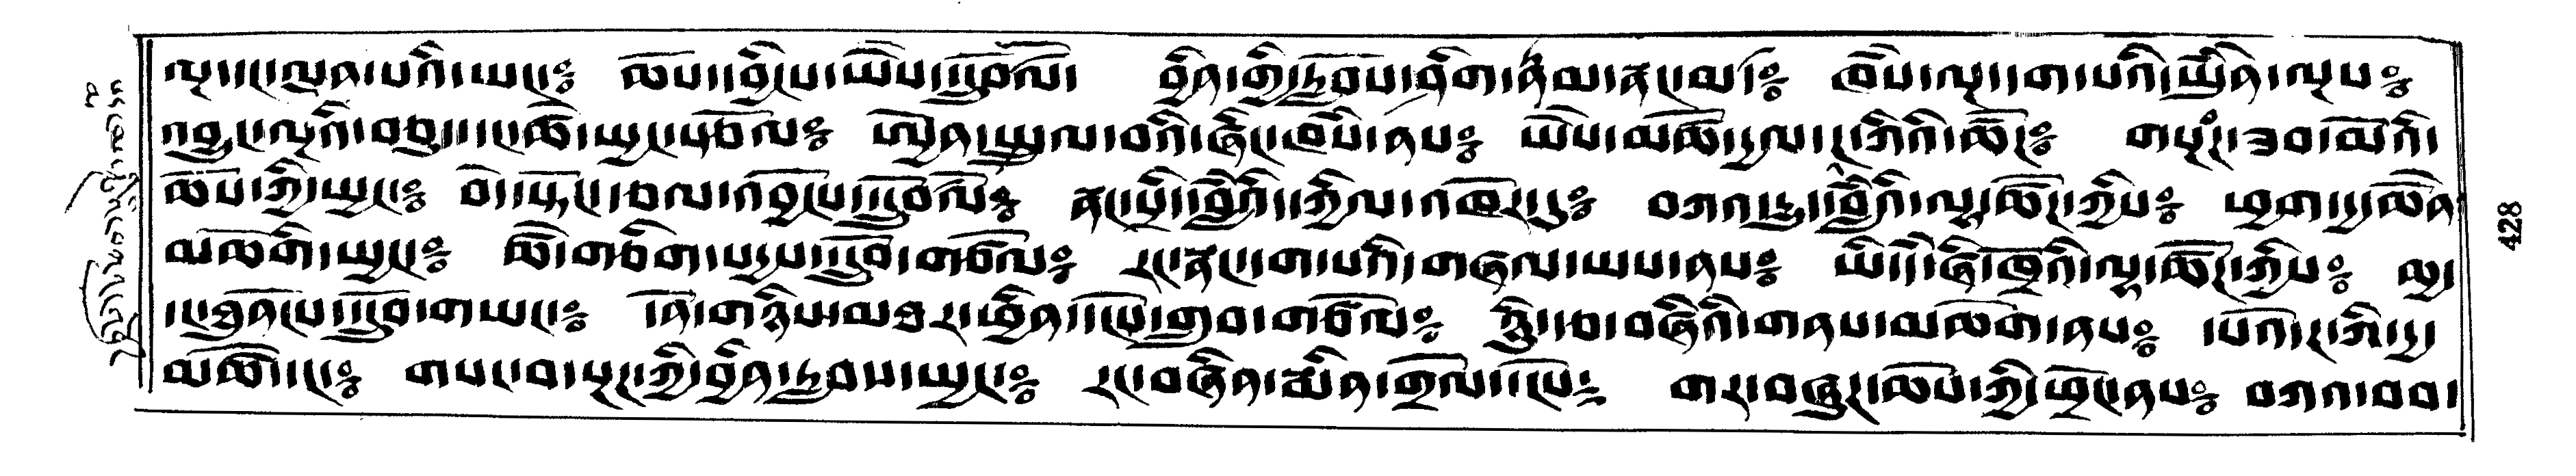ལྔ་དང་ལྡན་པའི་གཡང༔ ཆོས་དབྱིངས་ཡེ་ཤེས་དངོས་གྲུབ་སྩོལ༔ བྱིན་གྱིས་རློབས་ཤིག་རྣམ་སྣང་མཛད༔ ཁམས་ལྔ་དག་པའི་ཡུམ་ཆེན་ལྔས༔ 
འབྱུང་ལྔའི་བཅུད་དང་ཚེ་གཡང་སྩོལ༔ ཨོ་རྒྱན་སྤྲུལ་བའི་ཞིང་ཁམས་ནས༔ ཡེ་ཤེས་མཚོ་རྒྱལ་ཌཱ་ཀིའི་ཚོགས༔ གསང་སྔགས་ཟབ་མོའི་
ཆོས་ཀྱི་གཡང༔ ཚེ་གཅིག་སངས་རྒྱས་དངོས་གྲུབ་སྩོལ༔ བདེ་སྟོང་རྩལ་འབྱོངས་དངོས་གྲུབ་སྩོལ༔ སྣང་སྲིད་བླ་མའི་དཀྱིལ་འཁོར་དུ༔ བཀའ་རྒྱུད་བླ་མའི་ལྷ་ཚོགས་ཀྱིས༔ ཕྱག་རྒྱ་ཆེན་པོ་
མཆོག་གི་གཡང༔ ཚེ་གཅིག་སངས་རྒྱས་དངོས་གྲུབ་སྩོལ༔ རང་སྣང་དག་པའི་གཞལ་ཡས་ནས༔ ཡི་དམ་ཞི་ཁྲོའི་ལྷ་ཚོགས་ཀྱིས༔ མཆོག་
དང་ཐུན་མོང་དངོས་གྲུབ་གཡང༔ དོན་གཉིས་མཐར་ཕྱིན་དངོས་གྲུབ་སྩོལ༔ ཉི་ཤུ་རྩ་བཞིའི་གནས་མཆོག་ནས༔ དཔའ་བོ་ཌཱ་ཀི་རྒྱ་
མཚོ་དང༔ གསང་བ་སྔགས་ཀྱི་བྱིན་རླབས་གཡང༔ རང་བཞིན་སྨིན་གྲོལ་དངོས༴ གར་བཞུགས་ཆོས་ཀྱི་ཕོ་བྲང་ནས༔ བཀའ་བབ་